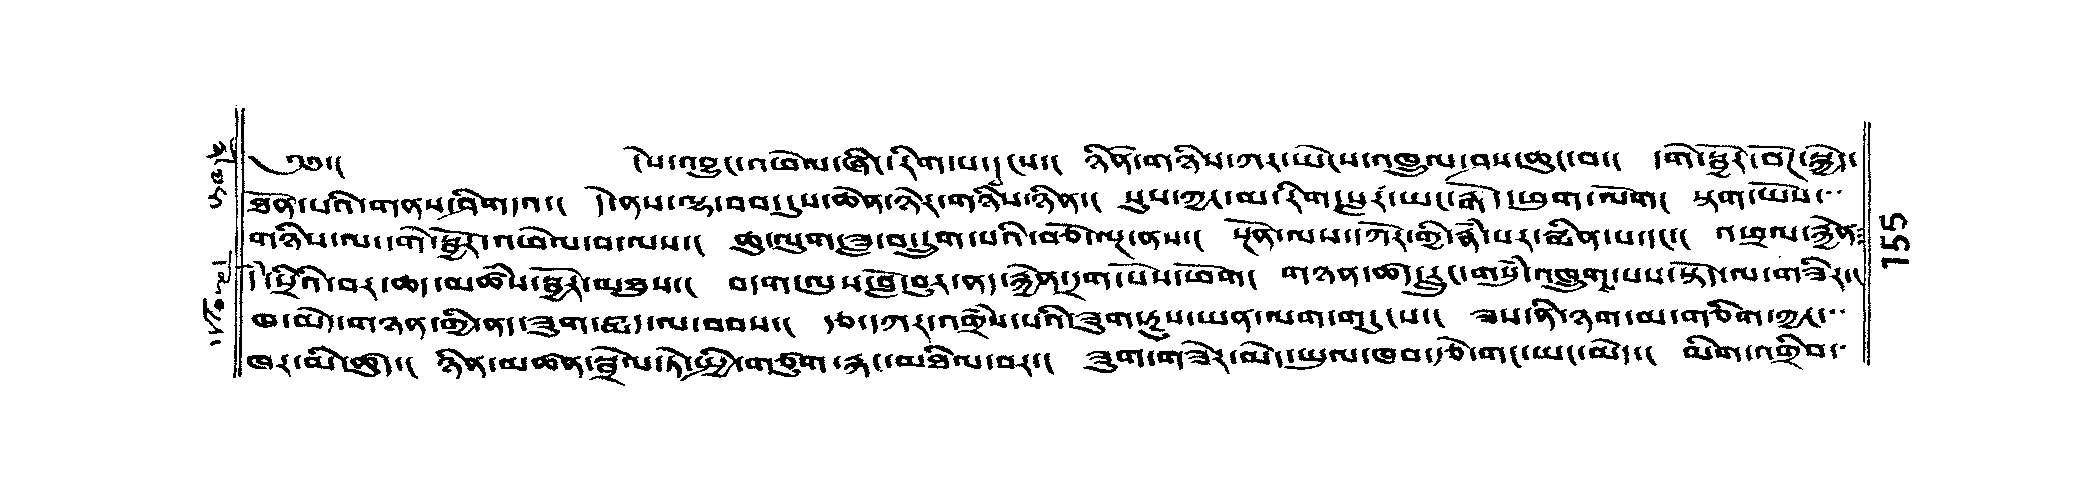ངེས་འབྱུང་འཕེལ་ཞིང་རིག་པ་དྭངས། །ཉིན་མཚན་གཉིས་ཀར་ཡེངས་འཁྲུལ་ཤས་ཆུང་བ། །དགེ་སྦྱོར་བོགས་སྐྱེད་
ཐོན་པའི་གནས་ཤིག་གདའ། །དེ་ནས་ལྷ་བབས་དུས་ཆེན་ཉེར་གཉིས་ཉིན། །སུས་ཀྱང་མ་རིག་སླར་ཡང་རྒོད་ཕུག་ལོག །སྟག་ཡོས་
གཉིས་ལ་དགེ་སྦྱོར་འཕེལ་བ་ལས། །ཆུ་ལུག་ཟླ་བ་དྲུག་པའི་བཅོ་ལྔ་ནས། །སྔོན་ལས་དཀོར་གྱི་རྣམ་པར་སྨིན་པ་དང་། །འཕྲལ་རྐྱེན་
དམ་སྲིའི་བར་ཆད་མཚམས་སྦྱོར་མཐུས། །བདག་ལུས་བློ་བུར་ནད་རྐྱེན་དྲག་པོས་ཕོག །གཉན་ཚད་རླུང་གསུམ་འཁྲུགས་པས་སྟོད་ལ་གཟིར། །
ཁ་མེད་གཉན་གྱི་ནད་ཟུག་སྨད་ལ་བབས། །རྩ་དཀར་འགྲམས་པའི་ཟུག་ངུས་ཡན་ལག་གདུངས། །ཟས་ནི་ཉག་མ་གཅིག་ཀྱང་
ཁར་མི་ཚུད། །ཉིན་མཚན་སྦྲེལ་ཏེ་སྤྱི་གཙུག་རྐང་མཐིལ་བར། །ཟུག་གཟེར་མེད་ཡུལ་ཁབ་རྩེ་གང་ཡང་མེད། །མིག་འགྲིབ་